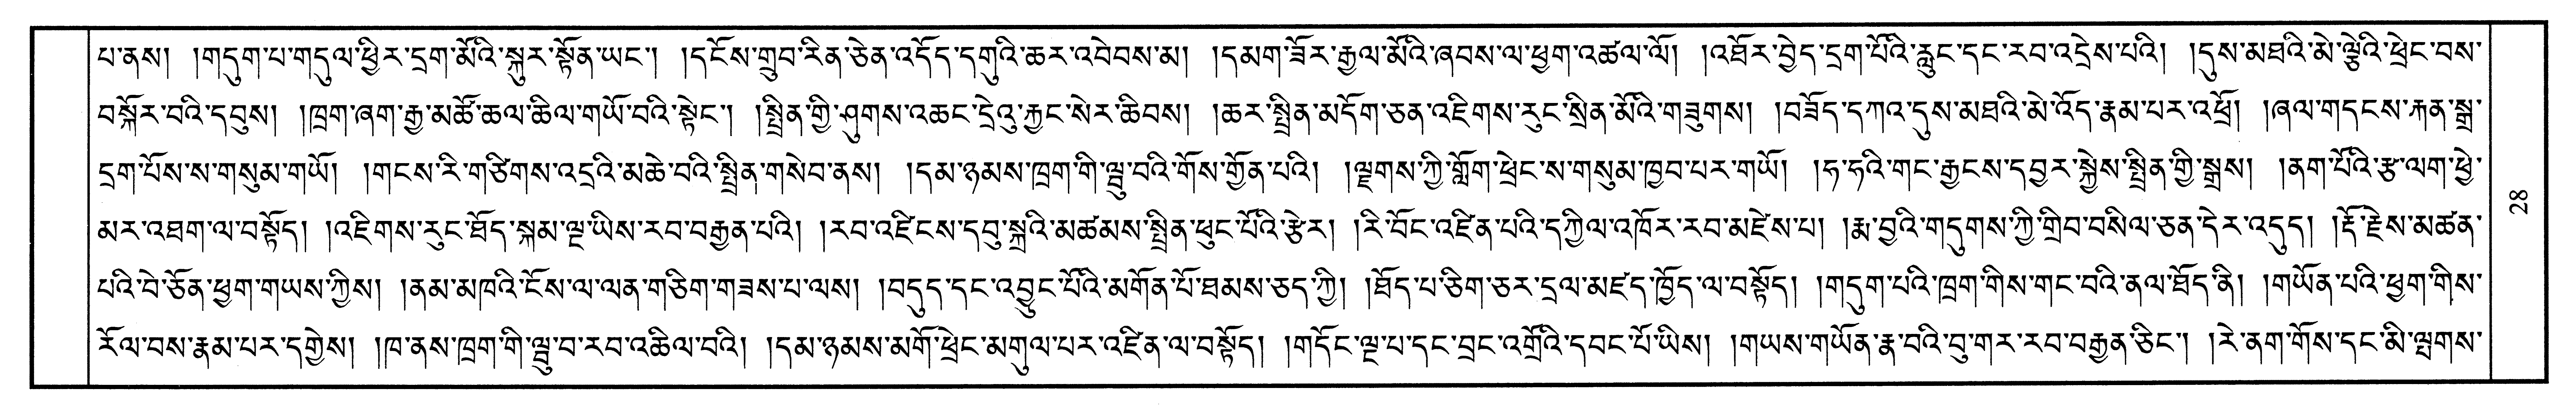པ་ནས། །གདུག་པ་གདུལ་ཕྱིར་དྲག་མོའི་སྐུར་སྟོན་ཡང་། །དངོས་གྲུབ་རིན་ཅེན་འདོད་དགུའི་ཆར་འབེབས་མ། །དམག་ཟོར་རྒྱལ་མོའི་ཞབས་ལ་ཕྱག་འཚལ་ལོ། །འཐོར་བྱེད་དྲག་པོའི་རླུང་དང་རབ་འདྲེས་པའི། །དུས་མཐའི་མེ་ལྕེའི་ཕྲེང་བས་
བསྐོར་བའི་དབུས། །ཁྲག་ཞག་རྒྱ་མཚོ་ཆལ་ཆིལ་གཡོ་བའི་སྟེང་། །སྤྲིན་གྱི་ཤུགས་འཆང་དྲེའུ་རྐྱང་སེར་ཆིབས། །ཆར་སྤྲིན་མདོག་ཅན་འཇིགས་རུང་སྲིན་མོའི་གཟུགས། །བཟོད་དཀའ་དུས་མཐའི་མེ་འོད་རྣམ་པར་འཕྲོ། །ཞལ་གདངས་རྐན་སྒྲ་
དྲག་པོས་ས་གསུམ་གཡོ། །གངས་རི་གཙིགས་འདྲའི་མཆེ་བའི་སྤྲིན་གསེབ་ནས། །དམ་ཉམས་ཁྲག་གི་ལྦུ་བའི་གོས་གྱོན་པའི། །ལྗགས་ཀྱི་གློག་ཕྲེང་ས་གསུམ་ཁྱབ་པར་གཡོ། །ཧ་ཧའི་གང་རྒྱངས་དབྱར་སྐྱེས་སྤྲིན་གྱི་སྒྲས། །ནག་པོའི་རྩ་ལག་ཕྱེ་
མར་འཐག་ལ་བསྟོད། །འཇིགས་རུང་ཐོད་སྐམ་ལྔ་ཡིས་རབ་བརྒྱན་པའི། །རབ་འཛིངས་དབུ་སྐྲའི་མཚམས་སྤྲིན་ཕུང་པོའི་རྩེར། །རི་བོང་འཛིན་པའི་དཀྱིལ་འཁོར་རབ་མཛེས་པ། །རྨ་བྱའི་གདུགས་ཀྱི་གྲིབ་བསིལ་ཅན་དེར་འདུད། །རྡོ་རྗེས་མཚན་
པའི་བེ་ཅོན་ཕྱག་གཡས་ཀྱིས། །ནམ་མཁའི་ངོས་ལ་ལན་གཅིག་གཟས་པ་ལས། །བདུད་དང་འབྱུང་པོའི་མགོན་པོ་ཐམས་ཅད་ཀྱི། །ཐོད་པ་ཅིག་ཅར་དྲལ་མཛད་ཁྱོད་ལ་བསྟོད། །གདུག་པའི་ཁྲག་གིས་གང་བའི་ནལ་ཐོད་ནི། །གཡོན་པའི་ཕྱག་གིས་
རོལ་བས་རྣམ་པར་དགྱེས། །ཁ་ནས་ཁྲག་གི་ལྦུ་བ་རབ་འཆིལ་བའི། །དམ་ཉམས་མགོ་ཕྲེང་མགུལ་བར་འཛིན་ལ་བསྟོད། །གདོང་ལྔ་པ་དང་བྲང་འགྲོའི་དབང་པོ་ཡིས། །གཡས་གཡོན་རྣ་བའི་བུ་གར་རབ་བརྒྱན་ཅིང་། །རེ་ནག་གོས་དང་མི་ལྤགས་